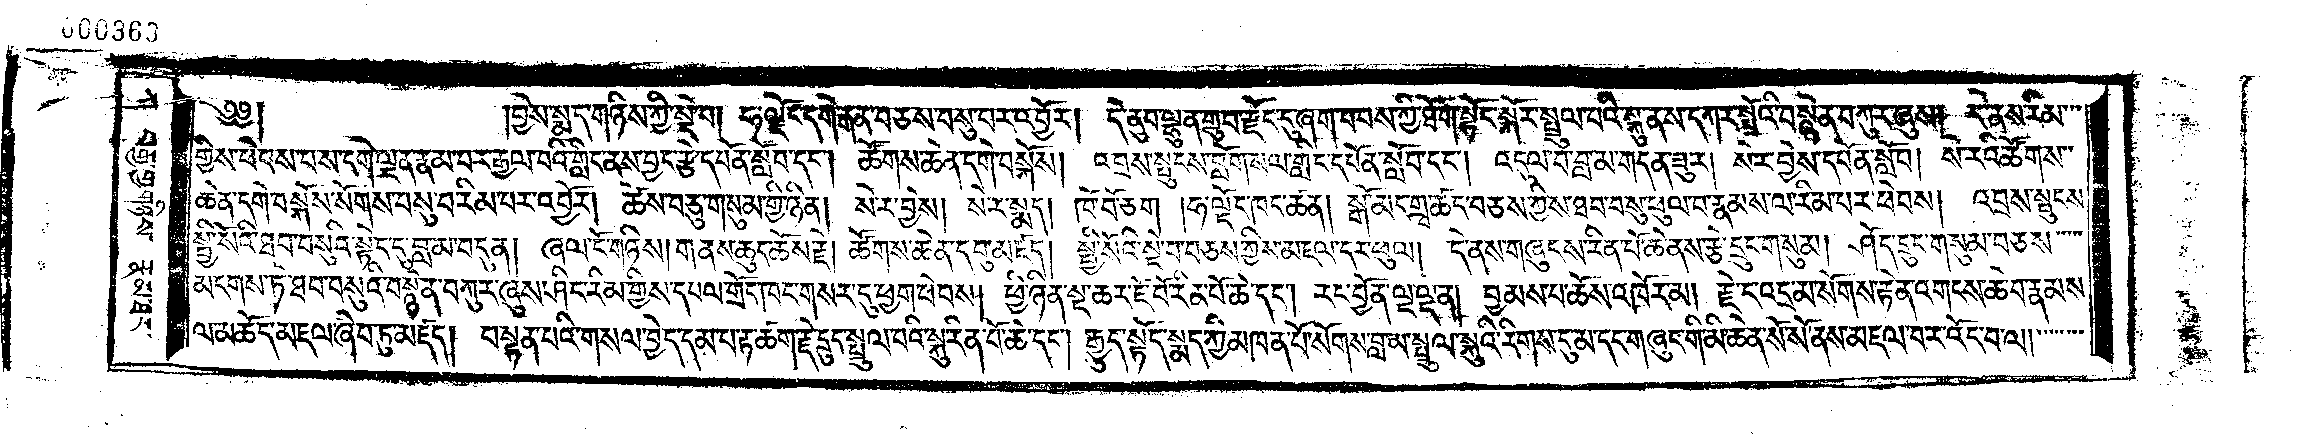༄༅། །བྱེས་སྨད་གཉིས་ཀྱི་སྡེ་བ། ཧ་ལྡོང་དགེ་རྒན་བཅས་བསུ་བར་འབྱོར། དེ་ནུབ་ལྷུན་གྲུབ་རྫོང་དུ་ཞག་བབས་ཀྱི་ཐོག་སྟོང་སྐོར་སྤྲུལ་པའི་སྐུ་ནས་དཀར་སྤྲོའི་བསྙེན་བཀུར་ཞུས། དེ་ནས་རིམ་
གྱིས་ཕེབས་པས་དགེ་ལྡན་རྣམ་པར་རྒྱལ་བའི་གླིང་ནས་བྱང་རྩེ་དཔོན་སློབ་དང་། ཚོགས་ཆེན་དགེ་བསྐོས། འབྲས་སྤུངས་བློ་གསལ་གླིང་དཔོན་སློབ་དང་། འདུལ་བ་བླ་མ་གདན་ཟུར། སེར་བྱེས་དཔོན་སློབ། སེ་རའི་ཚོགས་
ཆེན་དགེ་བསྐོས་སོགས་བསུ་བ་རིམ་པར་འབྱོར། ཚེས་བཅུ་གསུམ་གྱི་ཉིན། སེ་ར་བྱེས། སེ་ར་སྨད། ཁོ་བོ་ཅག །ཧ་ལྡོང་ཁང་ཚན། སྒོ་མང་གྲྭ་ཚང་བཅས་ཀྱིས་ཐབ་བསུ་ཕུལ་བ་རྣམས་ལ་རིམ་པར་ཕེབས། འབྲས་སྤུངས་
སྤྱི་སོའི་ཐབ་བསུའི་སྟེང་དུ་བླ་མ་བདུན། ཞལ་ངོ་གཉིས། གནས་ཆུང་ཆོས་རྗེ། ཚོགས་ཆེན་དབུ་མཛད། སྤྱི་སོའི་སྡེ་བ་བཅས་ཀྱིས་མཇལ་དར་ཕུལ། དེ་ནས་གཞུང་ས་རིན་པོ་ཆེ་ནས་རྩེ་དྲུང་གསུམ། ཤོད་དྲུང་གསུམ་བཅས་
མངགས་ཏེ་ཐབ་བསུའི་བསྙེན་བཀུར་ཞུས་ཤིང་རིམ་གྱིས་དཔལ་གྲོང་ཁང་གསར་དུ་ཕྱག་ཕེབས། ཕྱི་ཉིན་སྔ་ཆར་ཇོ་བོ་རིན་པོ་ཆེ་དང་། རང་བྱོན་ལྔ་ལྡན། བྱམས་པ་ཆོས་འཁོར་མ། རྗེ་ང་འདྲ་མ་སོགས་རྟེན་འགངས་ཆེ་བ་རྣམས་
ལ་མཆོད་མཇལ་ཞིབ་ཏུ་མཛད། བསྟན་པའི་གསལ་བྱེད་དམ་པ་རྟ་ཚག་རྗེ་དྲུང་སྤྲུལ་པའི་སྐུ་རིན་པོ་ཆེ་དང་། རྒྱུད་སྟོད་སྨད་ཀྱི་མཁན་པོ་སོགས་བླ་མ་སྤྲུལ་སྐུའི་རིགས་དུ་མ་དང་གཞུང་གི་མི་ཆེན་སོ་སོ་ནས་མཇལ་བར་འོང་པ་ལ།